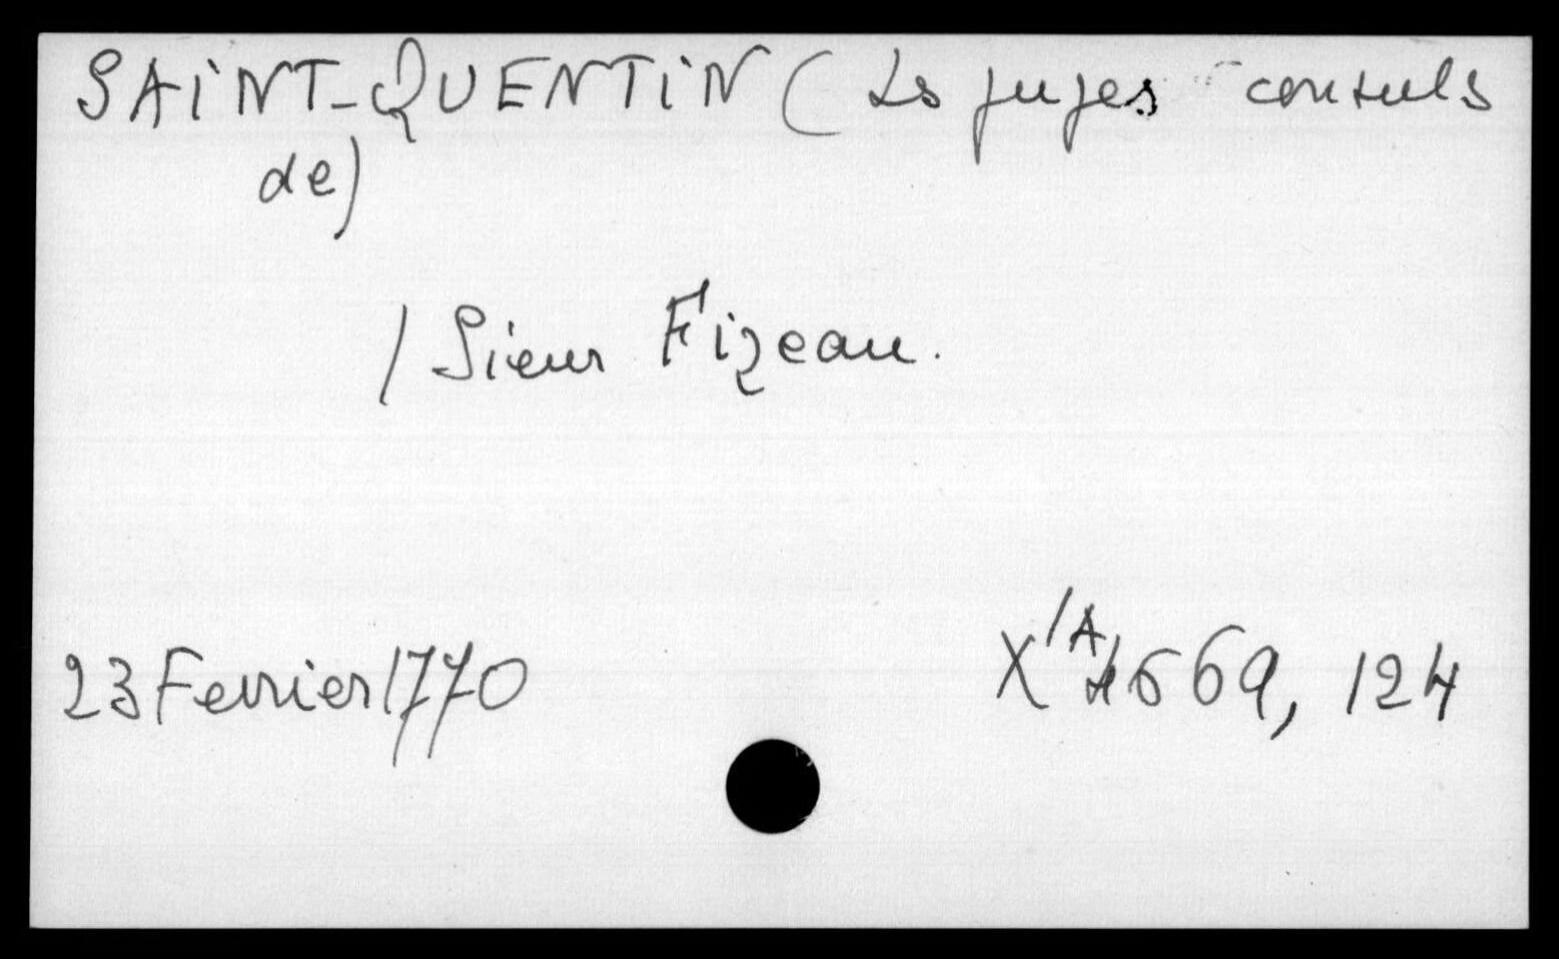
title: SAINT-QUENTIN (Les juges consuls de)
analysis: Contre Sieur Fizeau
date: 23 février 1770
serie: X1A
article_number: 4669
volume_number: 124
